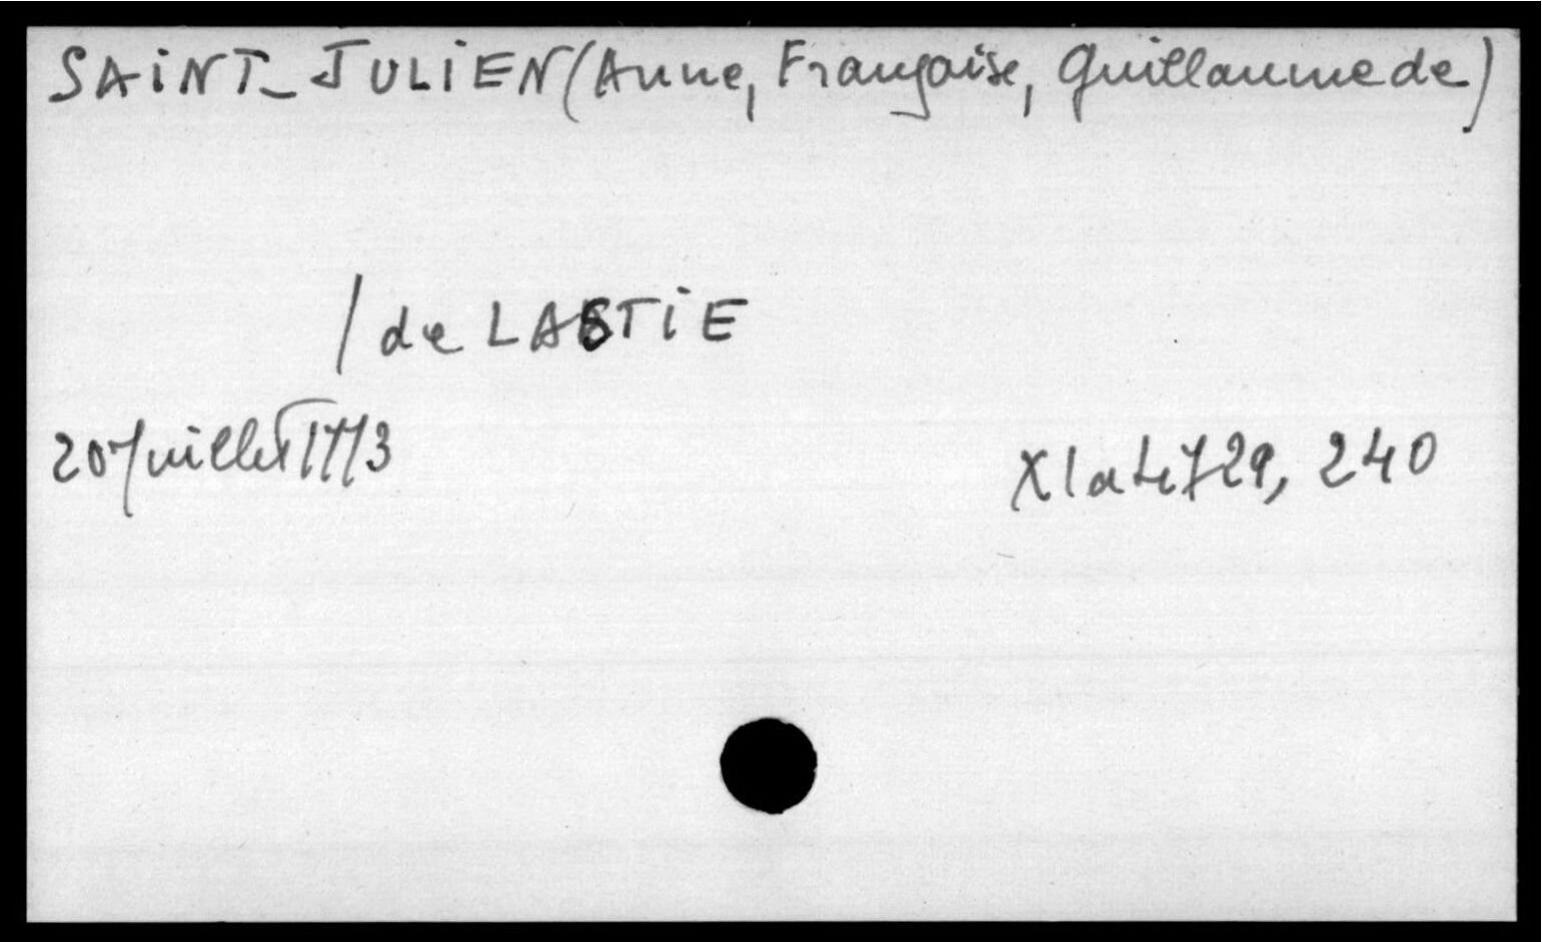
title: SAINT-JULIEN (Anne, Françoise, Guillaume de)
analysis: Contre de LASTIE
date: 20 juillet 1773
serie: X1a
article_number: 4729
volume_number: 240
